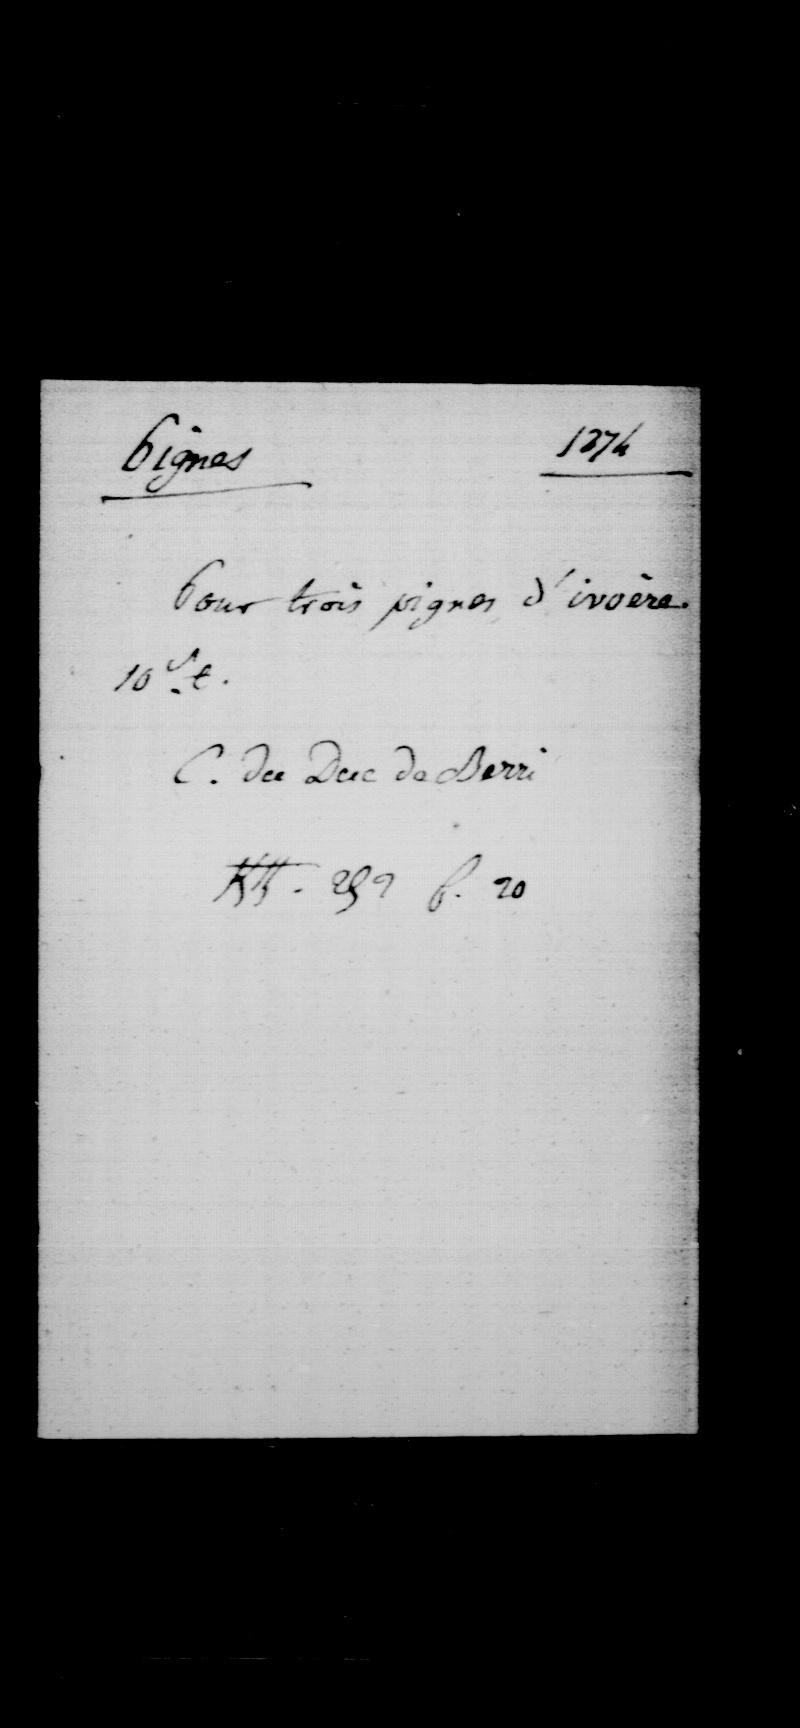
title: Pignes
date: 1274
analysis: Pour trois pignes d'ivoire 10 s. t. C. du Duc de Berri
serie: KK
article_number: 252
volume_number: fol. 20
